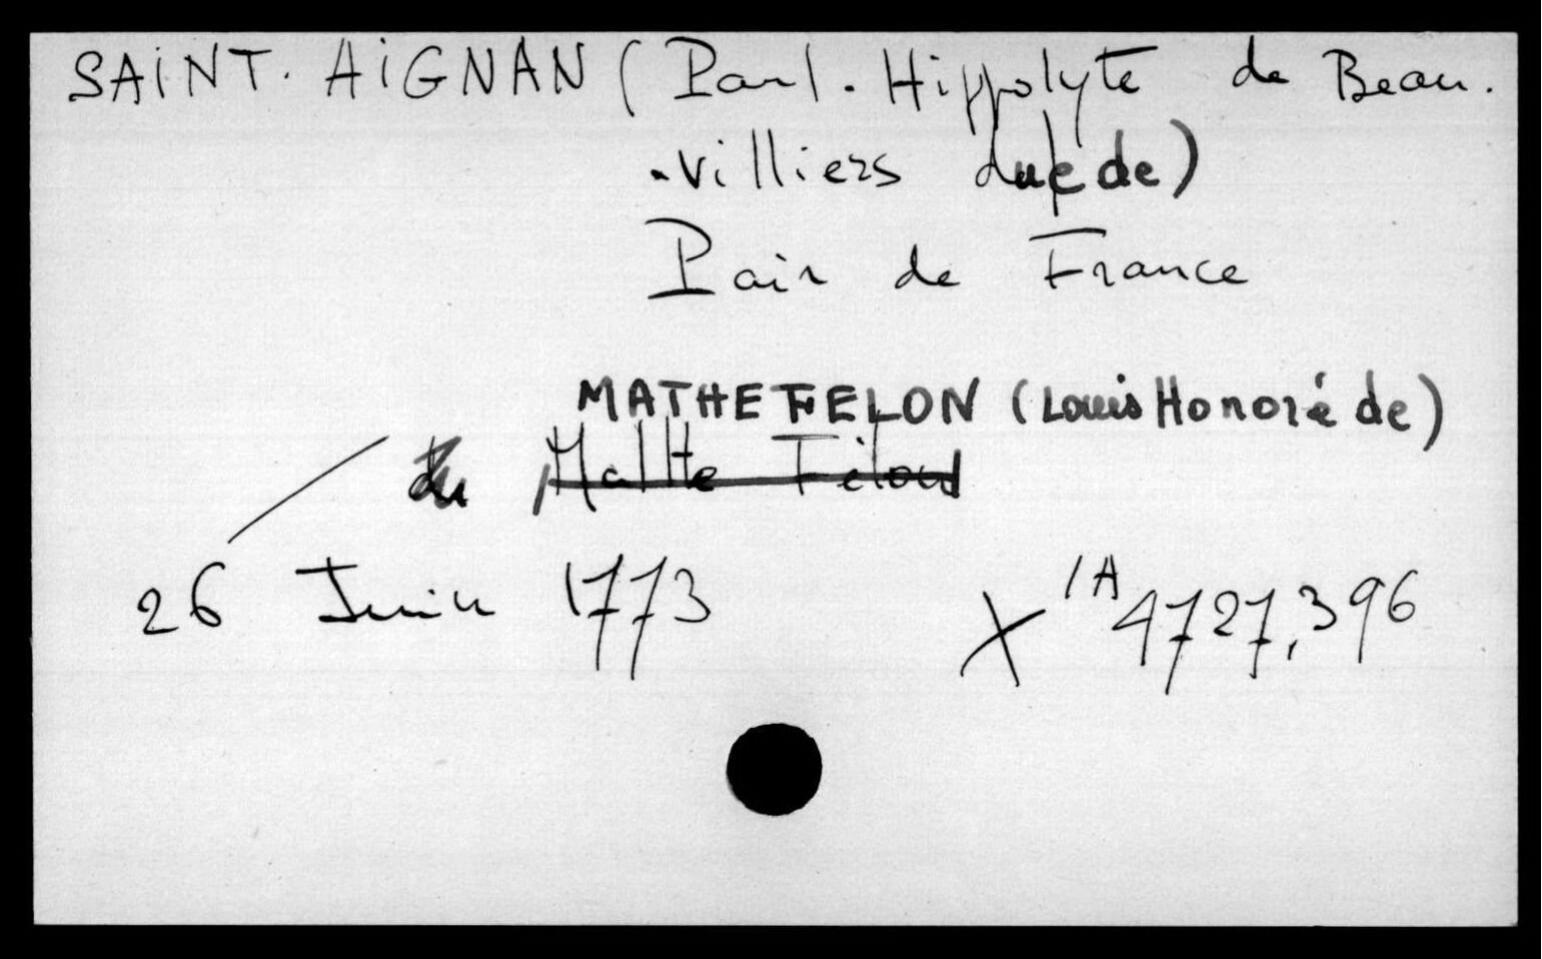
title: SAINT AIGNAN (Paul Hippolyte de Beauvilliers duc de) Pair de France
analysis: Contre MATHEFELON (Louis Honoré de)
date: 26 juin 1773
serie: X1A
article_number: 4727
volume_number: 396
